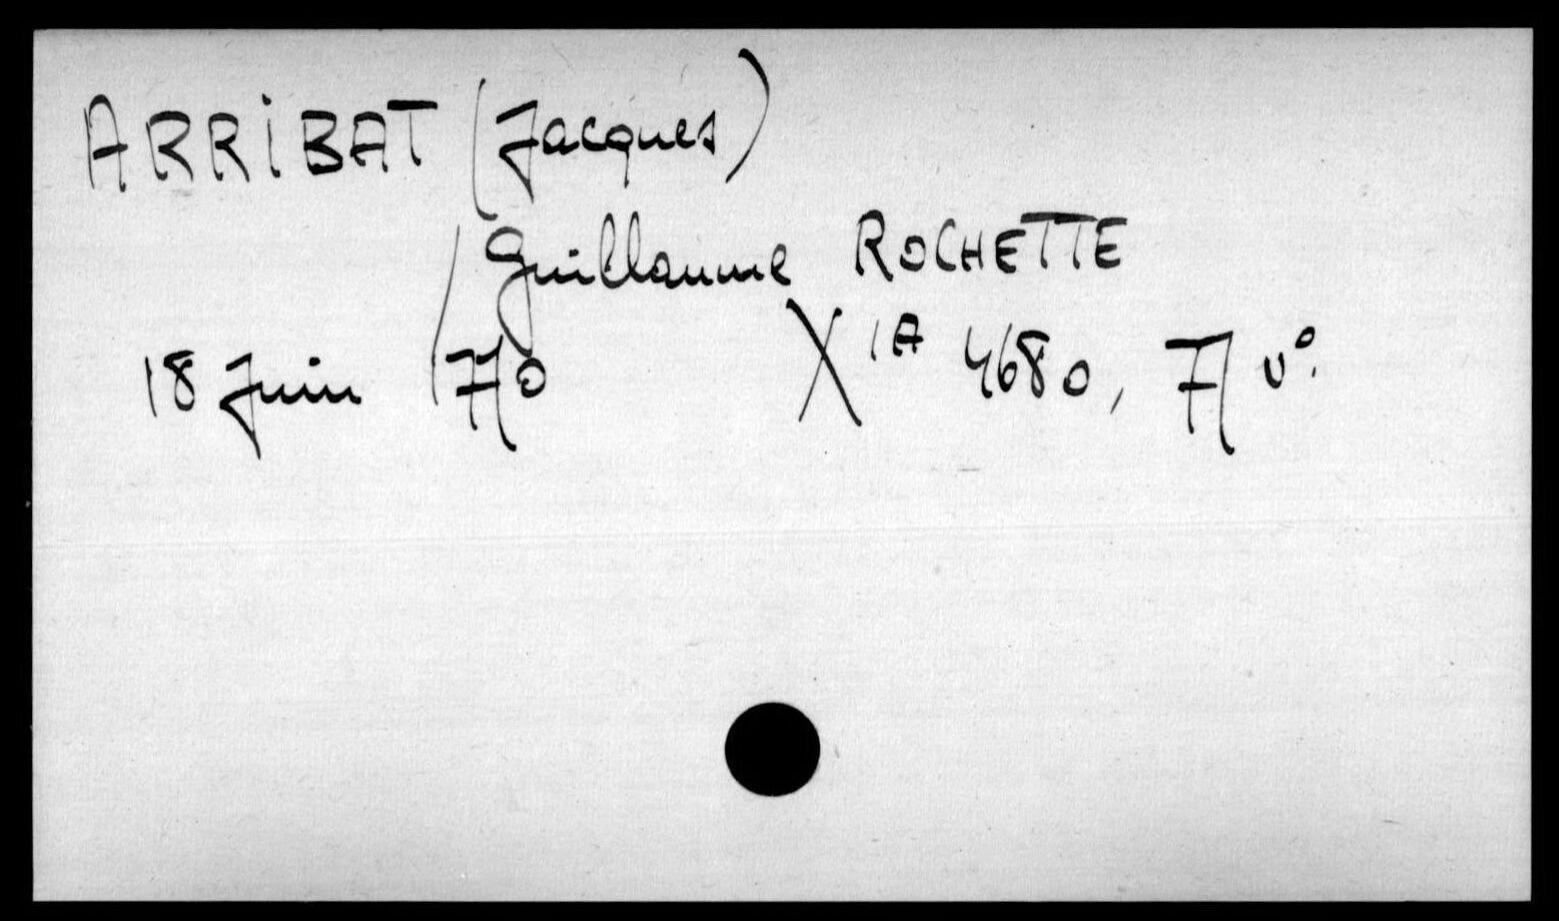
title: ARRIBAT (Jacques)
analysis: Contre Guillaume ROCHETTE
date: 18 juin 1770
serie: X1A
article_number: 4680
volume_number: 77v
